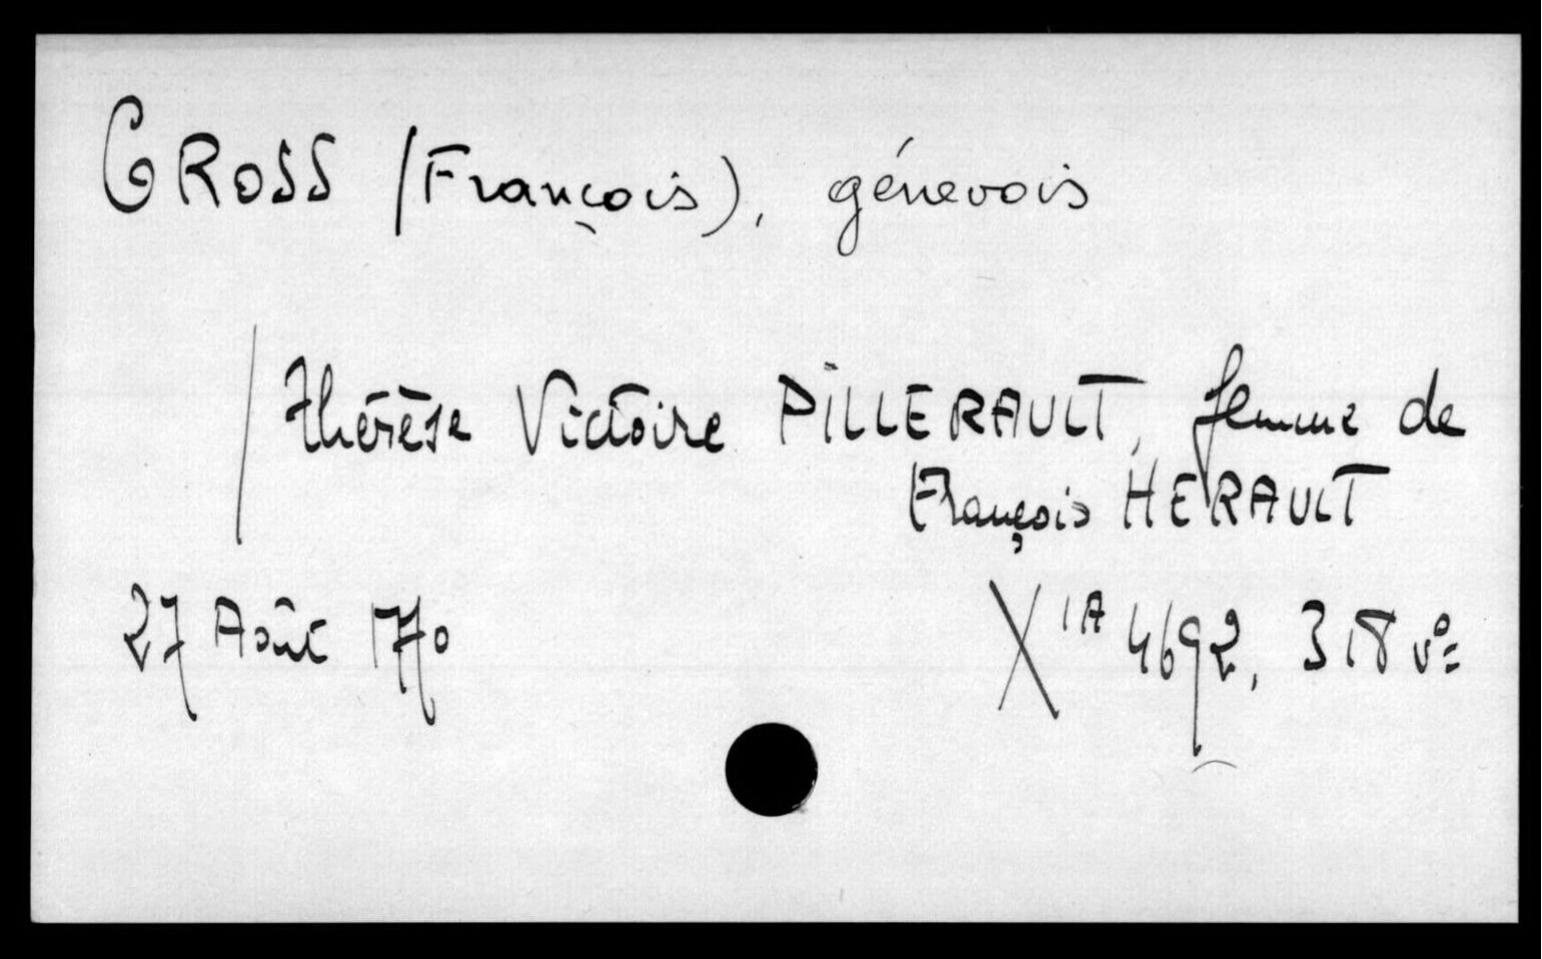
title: GROSS (François), genevois
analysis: Contre Thérèse Victoire PILLERAULT, femme de François HERAULT
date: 27 août 1770
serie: X1A
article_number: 4692
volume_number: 318v
